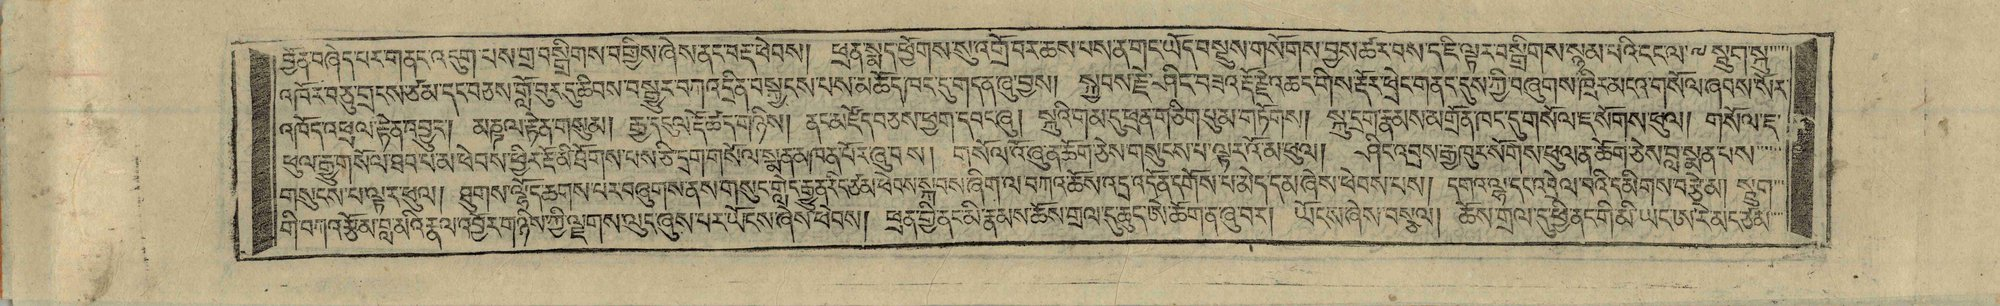བྱོན་བཞེད་པར་གནང་འདུག་པས་གྲ་བསྒྲིགས་བགྱིས་ཞེས་ནང་བརྡ་ཕེབས། ཕྲན་སྨད་ཕྱོགས་སུ་འགྲོ་བར་ཆས་པས་ན་གང་ཡོད་བསྡུས་གསོགས་བྱས་ཚར་བས་ད་ཇི་ལྟར་བསྒྲིགས་སྙམ་པའི་ངང་ལ་༧སྦུག་སྐུ་
འཁོར་བཅུ་གྲངས་ཙམ་དང་བཅས་གློ་བུར་དུ་ཆིབས་བསྒྱུར་བཀའ་དྲིན་བསྐྱངས་པས་མཆོད་ཁང་དུ་གདན་ཞུ་བྱས། སྐྱབས་རྗེ་ཤིང་བཟའ་རྡོ་རྗེ་འཆང་གིས་རྡོར་ཕྲེང་གནང་དུས་ཀྱི་བཞུགས་ཁྲིར་མངའ་གསོལ་ཞབས་སོར་
འཁོད་འཕྲལ་རྟེན་འབྱུང་། མཎྜལ་རྟེན་གསུམ། རྒྱ་དངུལ་རྡོ་ཚད་གཉིས། ནང་མཛོད་བཅས་ཕྱག་དབང་ཞུ། སྐུའི་གམ་དུ་ཕྲན་གཅིག་པུ་མ་གཏོགས། སྐུ་དྲག་རྣམས་མགྲོན་ཁང་དུ་གསོལ་ཇ་སོགས་ཕུལ། གསོལ་ཇ་
ཕུལ་རྒྱུ་གསོལ་ཐབ་པ་མ་ཕེབས་ཕྱིར་རྔོ་མི་ཐོགས་པས་ཅི་དྲག་གསོལ་སྨན་མཁན་པོར་ཞུ་བས། གསོལ་འོ་ཞུ་ན་ཆོག་ཅེས་གསུངས་པ་ལྟར་འོ་མ་ཕུལ། ཤིང་འབྲས་རྒྱ་ཁུར་སོགས་ཕུལ་ན་ཆོག་ཅེས་བླ་སྨན་པས་
གསུངས་པ་ལྟར་ཕུལ། ཐུགས་ལྷོད་ཆགས་པར་བཞུགས་ནས་གསུང་གླེང་རྒྱུན་རིང་ཙམ་ཕེབས་སྐབས་ཞིག་ལ་བཀའ་ཆོས་འདྲ་འདོན་དགོས་པ་མེད་དམ་ཞེས་ཕེབས་པས། དགའ་ལྷ་དང་འབྲེལ་བའི་དམིགས་བརྩེ་མ། སྦུག་
གི་བཀའ་རྩོམ་བླ་མའི་རྣལ་འབྱོར་གཉིས་ཀྱི་ལྗགས་ལུང་ཞུས་པར་ཡོངས་ཞེས་ཕེབས། ཕྲན་གྱི་ནང་མི་རྣམས་ཆོས་གྲལ་དུ་ཆུད་ཨེ་ཆོག་ན་ཞུ་བར། ཡོངས་ཞེས་བསྩལ། ཆོས་གྲལ་དུ་ཕྱི་ནང་གི་མི་ཡང་ཨ་རེ་མང་ཙམ་